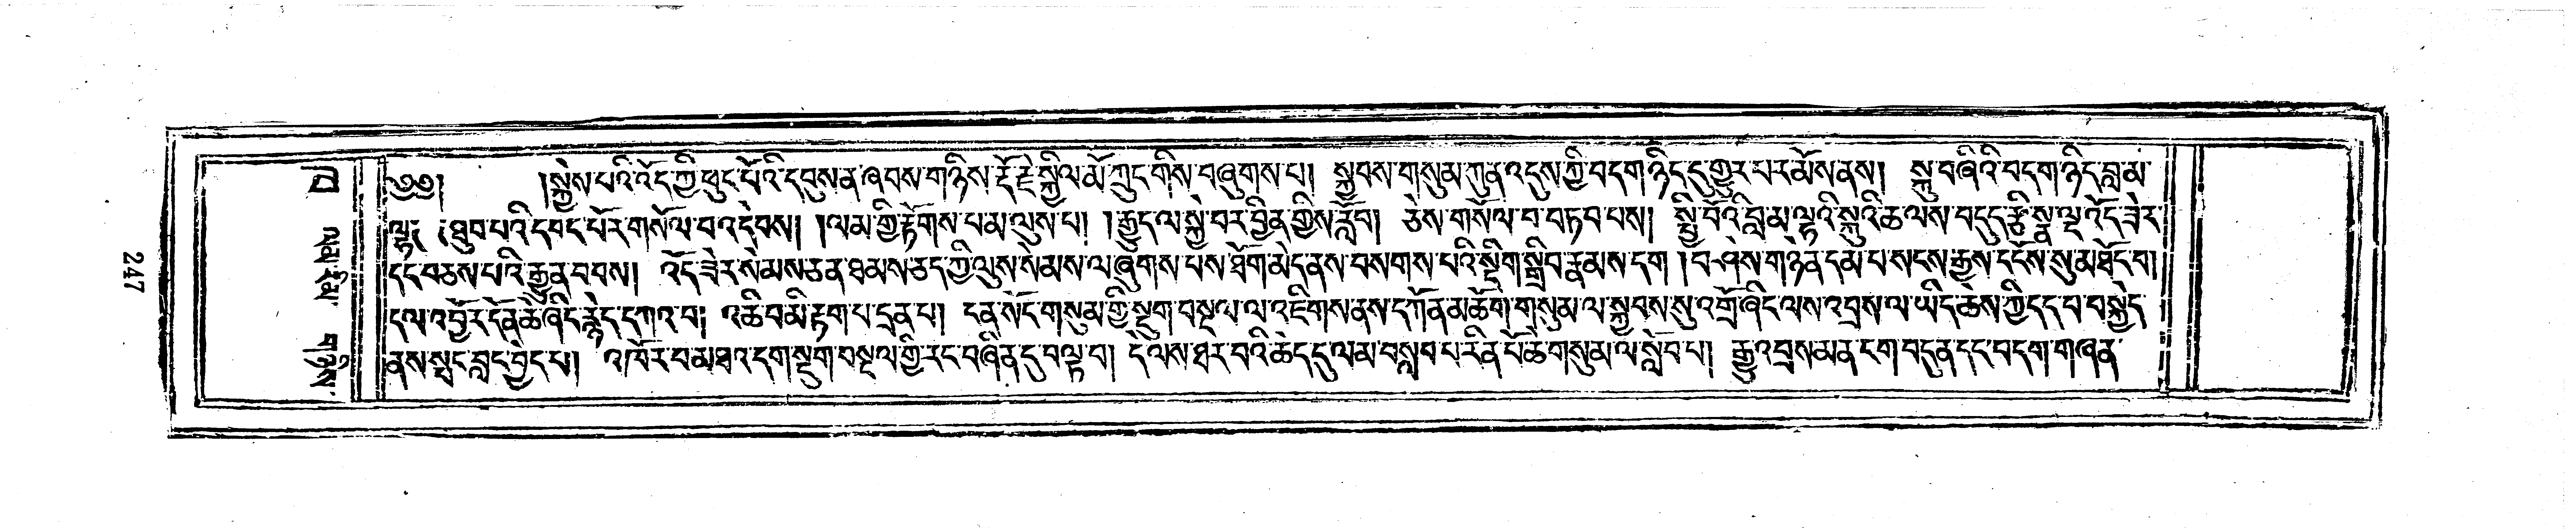༄༅། །སྐྱེས་པའི་འོད་ཀྱི་ཕུང་པོའི་དབུས་ན་ཞབས་གཉིས་རྡོ་རྗེ་སྐྱིལ་མོ་ཀྲུང་གིས་བཞུགས་པ། སྐྱབས་གསུམ་ཀུན་འདུས་ཀྱི་བདག་ཉིད་དུ་གྱུར་པར་མོས་ནས། སྐུ་བཞིའི་བདག་ཉིད་བླ་མ་
ལྷ༑ ༑ཐུབ་པའི་དབང་པོར་གསོལ་བ་འདེབས། །ལམ་གྱི་རྟོགས་པ་མ་ལུས་པ། །རྒྱུད་ལ་སྐྱེ་བར་བྱིན་གྱིས་རློབ། ཅེས་གསོལ་བ་བཏབ་པས། སྤྱི་བོའི་བླ་མ་ལྷའི་སྐུའི་ཆ་ལས་བདུད་རྩི་སྣ་ལྔ་འོད་ཟེར་
དང་བཅས་པའི་རྒྱུན་བབས། འོད་ཟེར་སེམས་ཅན་ཐམས་ཅད་ཀྱི་ལུས་སེམས་ལ་ཞུགས་པས་ཐོག་མེད་ནས་བསགས་པའི་སྡིག་སྒྲིབ་རྣམས་དག །བཤེས་གཉེན་དམ་པ་སངས་རྒྱས་དངོས་སུ་མཐོང་བ།
དལ་འབྱོར་དོན་ཆེ་ཞིང་རྙེད་དཀའ་བ། འཆི་བ་མི་རྟག་པ་དྲན་པ། ངན་སོང་གསུམ་གྱི་སྡུག་བསྔལ་ལ་འཇིགས་ནས་དཀོན་མཆོག་གསུམ་ལ་སྐྱབས་སུ་འགྲོ་ཞིང་ལས་འབྲས་ལ་ཡིད་ཆེས་ཀྱི་དད་པ་བསྐྱེད་
ནས་སྤང་བླང་བྱེད་པ། འཁོར་བ་མཐའ་དག་སྡུག་བསྔལ་གྱི་རང་བཞིན་དུ་བལྟ་བ། དེ་ལས་ཐར་བའི་ཆེད་དུ་ལམ་བསླབ་པ་རིན་པོ་ཆེ་གསུམ་ལ་སློབ་པ། རྒྱུ་འབྲས་མན་ངག་བདུན་དང་བདག་གཞན་